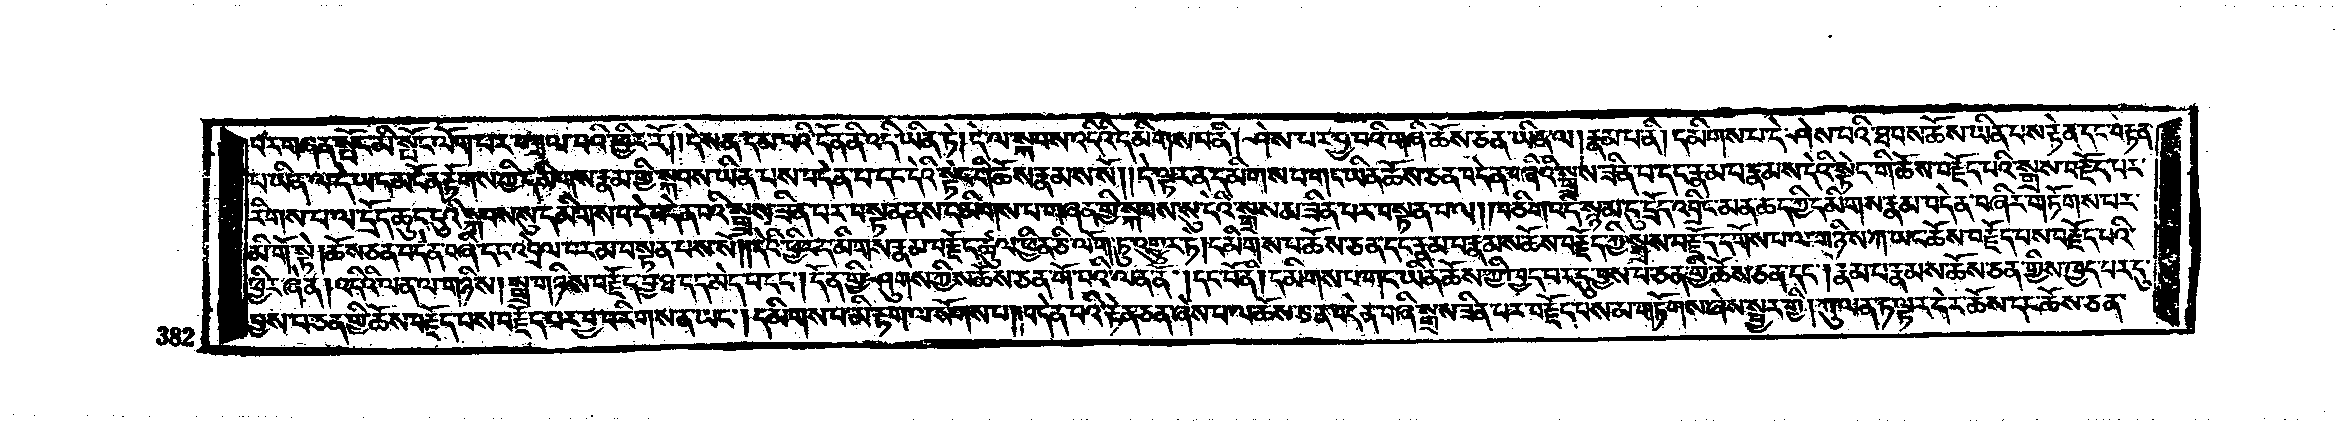བར་གཞན་སྤོང་མི་སྤོང་ལོག་པར་བཀྲལ་བའི་ཕྱིར་རོ། །དེས་ན་དམ་པའི་དོན་ནི་འདི་ཡིན་ཏེ། དེ་ལ་སྐབས་འདིའི་དམིགས་པ་ནི། ཤེས་པར་བྱ་བའི་གཞི་ཆོས་ཅན་ཡིན་ལ། རྣམ་པ་ནི། དམིགས་པ་དེ་ཤེས་པའི་ཐབས་ཆོས་ཡིན་པས་རྟེན་དང་བརྟན་
པ་ཡིན་ལ་དེ་ཡང་མངོན་རྟོགས་ཀྱི་དམིགས་རྣམ་གྱི་སྐབས་ཡིན་པས་བདེན་པ་དང་དེའི་སྟེང་གི་ཆོས་རྣམས་སོ། །དེ་ལྟར་ན་དམིགས་པ་གང་ཡིན་ཆོས་ཅན་བདེན་བཞིའི་སྒྲས་ཟིན་པ་དང་རྣམ་པ་རྣམས་དེའི་སྟེང་གི་ཆོས་བརྗོད་པའི་སྒྲས་བརྗོད་པར་
རིགས་པ་ལ་དྲོད་ཆུང་ངུའི་སྐབས་སུ་དམིགས་པ་དེ་བདེན་པའི་སྒྲས་ཟིན་པར་བསྟན་ནས་དམིགས་པ་གཞན་གྱི་སྐབས་སུ་དེའི་སྒྲས་མ་ཟིན་པར་བསྟན་པ་ལ། ཁ་ཅིག་འདི་སྙམ་དུ་དྲོད་འབྲིང་མན་ཆད་ཀྱི་དམིགས་རྣམ་བདེན་བཞིར་གཏོགས་པར་
མི་གོ་སྟེ། ཆོས་ཅན་བདེན་བཞི་དང་འབྲེལ་བར་མ་བསྟན་པས་སོ། །དེའི་ཕྱིར་དམིགས་རྣམ་བརྗོད་ཚུལ་ཕྱིན་ཅི་ལོག་ཏུ་འགྱུར་ཏེ། དམིགས་པ་ཆོས་ཅན་དང་རྣམ་པ་རྣམས་ཆོས་བརྗོད་ཀྱི་སྒྲས་བརྗོད་དགོས་པ་ལ་གཉིས་ཀ་ཡང་ཆོས་བརྗོད་པས་བརྗོད་པའི་
ཕྱིར་ཞེ་ན། འདིའི་ལན་ལ་གཉིས། སྒྲ་གཉིས་བརྗོད་བྱ་ཐ་དད་མེད་པ་དང་། དོན་གྱི་ཤུགས་ཀྱིས་ཆོས་ཅན་གོ་བའི་ལན་ནོ། །དང་པོ་ནི། དམིགས་པ་གང་ཡིན་ཆོས་ཀྱི་ཁྱད་པར་དུ་བྱས་པ་ཅན་གྱི་ཆོས་ཅན་དང་། རྣམ་པ་རྣམས་ཆོས་ཅན་གྱིས་ཁྱད་པར་དུ་
བྱས་པ་ཅན་གྱི་ཆོས་བརྗོད་པས་བརྗོད་པར་བྱ་བ་རིགས་ན་ཡང་། དམིགས་པ་མི་རྟག་ལ་སོགས་པ། །བདེན་པའི་རྟེན་ཅན་ཞེས་པ་ལ་ཆོས་ཅན་བདེན་བཞི་སྒྲས་ཟིན་པར་བརྗོད་པས་མ་གཏོགས་ཞེས་བྱར་གྱི། ཀུ་ལན་ཏ་ལྟར་དེར་ཆོས་དང་ཆོས་ཅན་